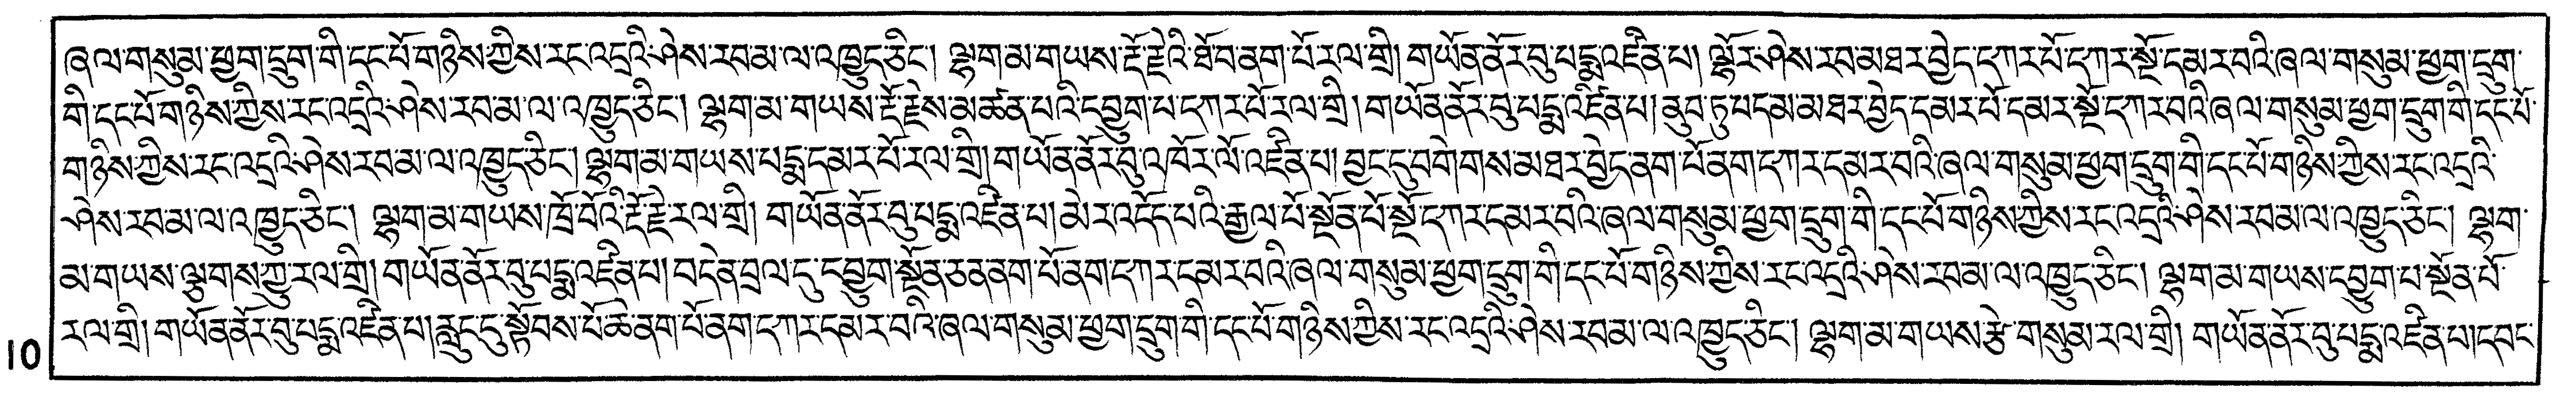ཞལ་གསུམ་ཕྱག་དྲུག་གི་དང་པོ་གཉིས་ཀྱིས་རང་འདྲའི་ཤེས་རབ་མ་ལ་འཁྱུད་ཅིང་། ལྷག་མ་གཡས་རྡོ་རྗེའི་ཐོ་བ་ནག་པོ་རལ་གྲི། གཡོན་ནོར་བུ་པདམ་འཛིན་པ། ལྷོར་ཤེས་རབ་མཐར་བྱེད་དཀར་པོ་དཀར་སྔོ་དམར་བའི་ཞལ་གསུམ་ཕྱག་དྲུག་
གི་དང་པོ་གཉིས་ཀྱིས་རང་འདྲའི་ཤེས་རབ་མ་ལ་འཁྱུད་ཅིང་། ལྷག་མ་གཡས་རྡོ་རྗེས་མཚན་པའི་དབྱུག་པ་དཀར་པོ་རལ་གྲི། གཡོན་ནོར་བུ་པདམ་འཛིན་པ། ནུབ་ཏུ་པད་མ་མཐར་བྱེད་དམར་པོ་དམར་སྔོ་དཀར་བའི་ཞལ་གསུམ་ཕྱག་དྲུག་གི་དང་པོ་
གཉིས་ཀྱིས་རང་འདྲའི་ཤེས་རབ་མ་ལ་འཁྱུད་ཅིང་། ལྷག་མ་གཡས་པདམ་དམར་པོ་རལ་གྲི། གཡོན་ནོར་བུ་འཁོར་ལོ་འཛིན་པ། བྱང་དུ་བགེགས་མཐར་བྱེད་ནག་པོ་ནག་དཀར་དམར་བའི་ཞལ་གསུམ་ཕྱག་དྲུག་གི་དང་པོ་གཉིས་ཀྱིས་རང་འདྲའི་
ཤེས་རབ་མ་ལ་འཁྱུད་ཅིང་། ལྷག་མ་གཡས་ཁྲོ་བོའི་རྡོ་རྗེ་རལ་གྲི། གཡོན་ནོར་བུ་པདམ་འཛིན་པ། མེར་འདོད་པའི་རྒྱལ་པོ་སྔོན་པོ་སྔོ་དཀར་དམར་བའི་ཞལ་གསུམ་ཕྱག་དྲུག་གི་དང་པོ་གཉིས་ཀྱིས་རང་འདྲའི་ཤེས་རབ་མ་ལ་འཁྱུད་ཅིང་། ལྷག་
མ་གཡས་ལྕགས་ཀྱུ་རལ་གྲི། གཡོན་ནོར་བུ་པདམ་འཛིན་པ། བདེན་བྲལ་དུ་དབྱུག་སྔོན་ཅན་ནག་པོ་ནག་དཀར་དམར་བའི་ཞལ་གསུམ་ཕྱག་དྲུག་གི་དང་པོ་གཉིས་ཀྱིས་རང་འདྲའི་ཤེས་རབ་མ་ལ་འཁྱུད་ཅིང་། ལྷག་མ་གཡས་དབྱུག་པ་སྔོན་པོ་
རལ་གྲི། གཡོན་ནོར་བུ་པདམ་འཛིན་པ། རླུང་དུ་སྟོབས་པོ་ཆེ་ནག་པོ་ནག་དཀར་དམར་བའི་ཞལ་གསུམ་ཕྱག་དྲུག་གི་དང་པོ་གཉིས་ཀྱིས་རང་འདྲའི་ཤེས་རབ་མ་ལ་འཁྱུད་ཅིང་། ལྷག་མ་གཡས་རྩེ་གསུམ་རལ་གྲི། གཡོན་ནོར་བུ་པདམ་འཛིན་པ། དབང་